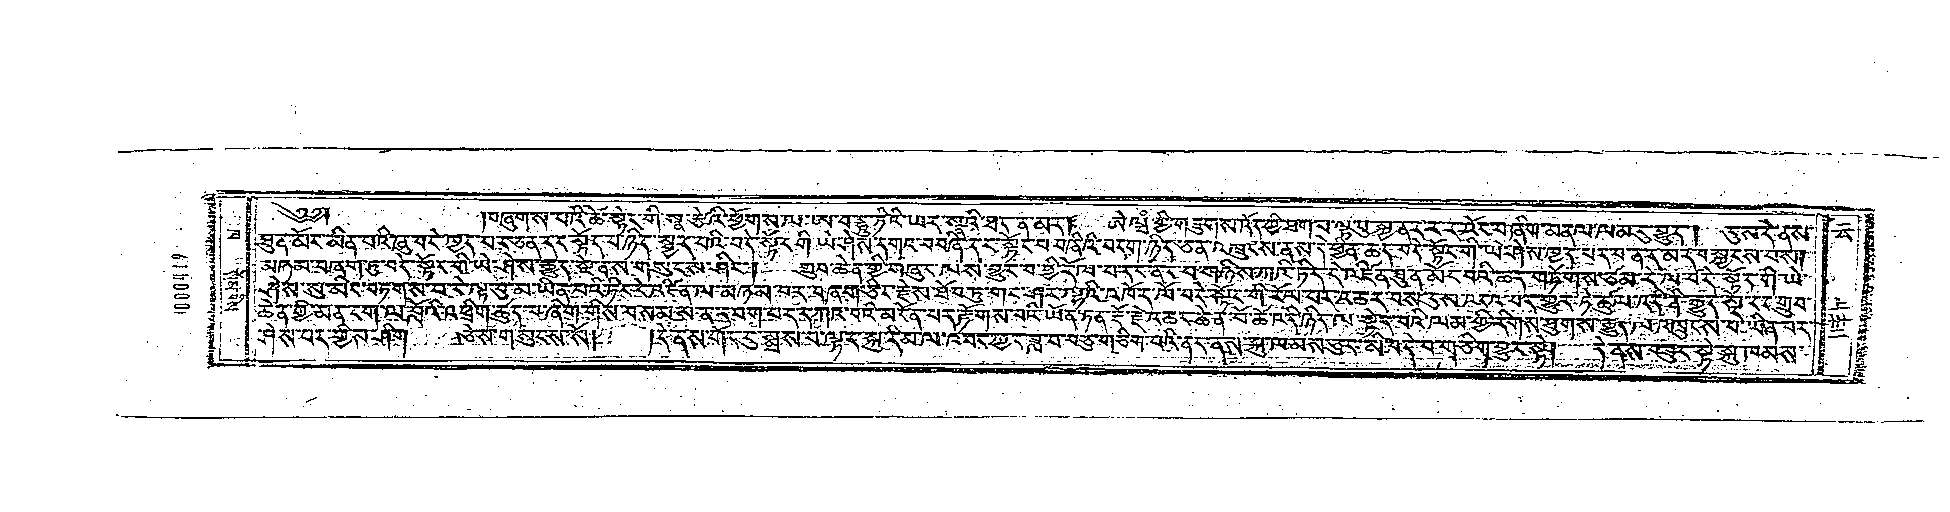༄༅། །བཞུགས་པའི་ཚེ་སྟེང་གི་སྣ་རྩེའི་ཕྱོགས་ལ་ཨ་བ་དྷཱུ་ཏིའི་ཡར་སྣའི་ཐད་ན་མར། ཨེ་ཝཾ་གྱི་གཟུགས་འོད་ཀྱི་ཐག་པ་ལྟ་བུ་སྐྱ་ནར་རར་འོད་བ་ཞིག་མནལ་ལམ་དུ་བྱུང་། དུས་དེ་ནས་
ཐུན་མོང་མིན་པའི་ཞུ་བདེ་ཁྱད་པར་ཅན་དང་སྟོང་པ་ཉིད་སྦྱར་བའི་བདེ་སྟོང་གི་ཡེ་ཤེས་དགའ་བ་བཞི་དང་སྟོང་པ་བཞིའི་བདག་ཉིད་ཅན་འཁྲུངས་ནས་དེ་ཕྱིན་ཆད་བདེ་སྟོང་གི་ཡེ་ཤེས་ཁྱད་པར་བ་ནར་མར་བསྐྱངས་པས།
མཉམ་བཞག་ཏུ་བདེ་སྟོང་གི་ཡི་ཤེས་རྒྱུད་སྡེ་ནས་གསུངས་ཤིང་། གྲུབ་ཆེན་གྱི་གཞུང་ལས་བྱུང་བ་ཕྱི་རོལ་པ་དང་ནང་པ་གཉིས་ཀའི་ཏིང་ངེ་འཛིན་ཐུན་མོང་བའི་ཆར་གཏོགས་ཙམ་རེ་ལ་བདེ་སྟོང་གི་ཡེ་
ཤེས་སུ་མིང་བཏགས་པ་དེ་ལྟ་བུ་མ་ཡིན་པའི་ཏིང་ངེ་འཛིན་ལ་མཉམ་པར་བཞག་ཅིང་རྗེས་ཐོབ་ཏུ་གང་ཤར་ལྷའི་འཁོར་ལོ་བདེ་སྟོང་གི་རོལ་བར་འཆར་བས་དུས་འདའ་བར་གྱུར་ཏེ་ཚུལ་འདི་ནི་རྒྱུད་སྡེ་དང་གྲུབ་
ཆེན་གྱི་མན་ངག་ལ་བློའི་འཕྲིག་ཚུད་པ་ཞིག་གིས་བསམས་ན་དཔག་པར་དཀའ་བའི་མངོན་པར་རྟོགས་པའི་ཡོན་ཏན་རྡོ་རྗེ་འཆད་ཆེན་པོ་ཚེ་འདི་ཉིད་ལ་སྟེར་བའི་ལམ་གྱི་རིགས་ཐུགས་རྒྱུད་ལ་འཁྲུངས་པ་ཡིན་པར་
ཤེས་བར་གྱིས་ཤིག །ཅེས་གསུངས་སོ། །དེ་ནས་གོང་དུ་སྨྲས་བ་ལྟར་སྐུ་རིམ་ལ་འབད་ཀྱང་ཟླ་བ་བཅུ་གཅིག་པའི་ནད་ནས་སྐུ་ཁམས་ཅུང་མི་བདེ་བ་གཅིག་བྱུང་སྟེ། དེ་ནས་བཟུང་སྟེ་སྐུ་ཁམས་